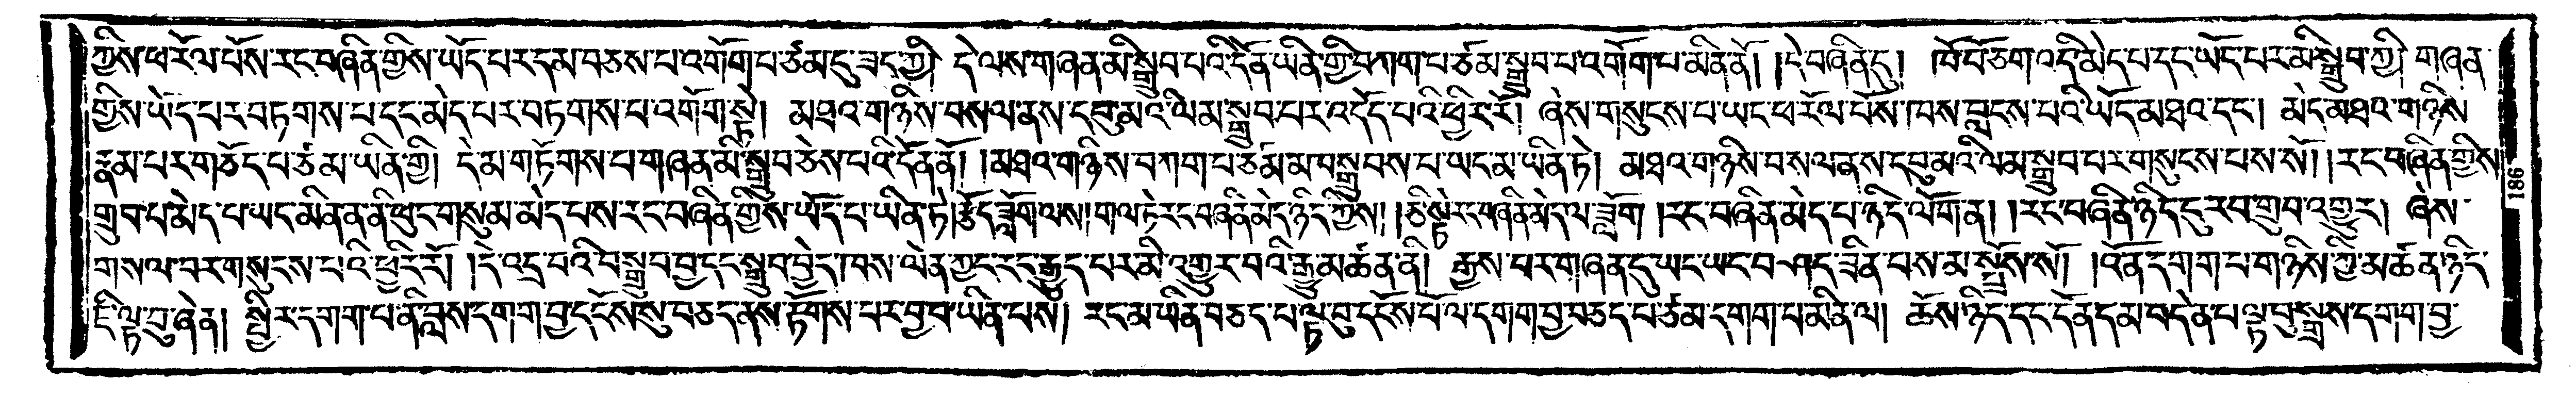ཀྱིས་ཕ་རོལ་པོས་རང་བཞིན་གྱིས་ཡོད་པར་དམ་བཅས་པ་འགོག་པ་ཙམ་དུ་ཟད་ཀྱི། དེ་ལས་གཞན་མི་སྒྲུབ་པའི་དོན་ཡིན་གྱི་བཀག་པ་ཙམ་སྒྲུབ་པ་འགོག་པ་མིན་ནོ། །དེ་བཞིན་དུ། ཁོ་བོ་ཅག་འདི་མེད་པ་དང་ཡོད་པར་མི་སྒྲུབ་ཀྱི། གཞན་
གྱིས་ཡོད་པར་བཏགས་པ་དང་མེད་པར་བཏགས་པ་འགོག་སྟེ། མཐའ་གཉིས་བསལ་ནས་དབུ་མའི་ལམ་སྒྲུབ་པར་འདོད་པའི་ཕྱིར་རོ། ཞེས་གསུངས་པ་ཡང་ཕ་རོལ་པོས་ཁས་བླངས་པའི་ཡོད་མཐའ་དང་། མེད་མཐའ་གཉིས་
རྣམ་པར་གཅོད་པ་ཙམ་ཡིན་གྱི། དེ་མ་གཏོགས་པ་གཞན་མི་སྒྲུབ་ཅེས་པའི་དོན་ནོ། །མཐའ་གཉིས་བཀག་པ་ཙམ་མ་བསྒྲུབས་པ་ཡང་མ་ཡིན་ཏེ། མཐའ་གཉིས་བསལ་ནས་དབུ་མའི་ལམ་སྒྲུབ་པར་གསུངས་པས་སོ། །རང་བཞིན་གྱིས་
གྲུབ་པ་མེད་པ་ཡང་མིན་ན་ནི་ཕུང་གསུམ་མེད་པས་རང་བཞིན་གྱིས་ཡོད་པ་ཡིན་ཏེ། རྩོད་ཟློག་ལས། གལ་ཏེ་རང་བཞིན་མེད་ཉིད་ཀྱིས། །ཅི་སྟེ་རང་བཞིན་མེད་ལ་བཟློག །རང་བཞིན་མེད་པ་ཉིད་ལོག་ན། །རང་བཞིན་ཉིད་དུ་རབ་གྲུབ་འགྱུར། ཞེས་
གསལ་བར་གསུངས་པའི་ཕྱིར་རོ། །དེ་འདྲ་བའི་བསྒྲུབ་བྱ་དང་སྒྲུབ་བྱེད་ཁས་ལེན་ཀྱང་རང་རྒྱུད་པར་མི་འགྱུར་བའི་རྒྱུ་མཚན་ནི། རྒྱས་པར་གཞན་དུ་ཡང་ཡང་བཤད་ཟིན་པས་མ་སྤྲོས་སོ། །འོ་ན་དགག་པ་གཉིས་ཀྱི་མཚན་ཉིད་
ཇི་ལྟ་བུ་ཞེ་ན། སྤྱིར་དགག་པ་ནི་བློས་དགག་བྱ་དངོས་སུ་བཅད་ནས་རྟོགས་པར་བྱ་བ་ཡིན་པས། །རང་མ་ཡིན་བཅད་པ་ལྟ་བུ་དངོས་པོ་ལ་དགག་བྱ་བཅད་པ་ཙམ་དགག་པ་མིན་ལ། ཆོས་ཉིད་དང་དོན་དམ་བདེན་པ་ལྟ་བུ་སྒྲས་དགག་བྱ་